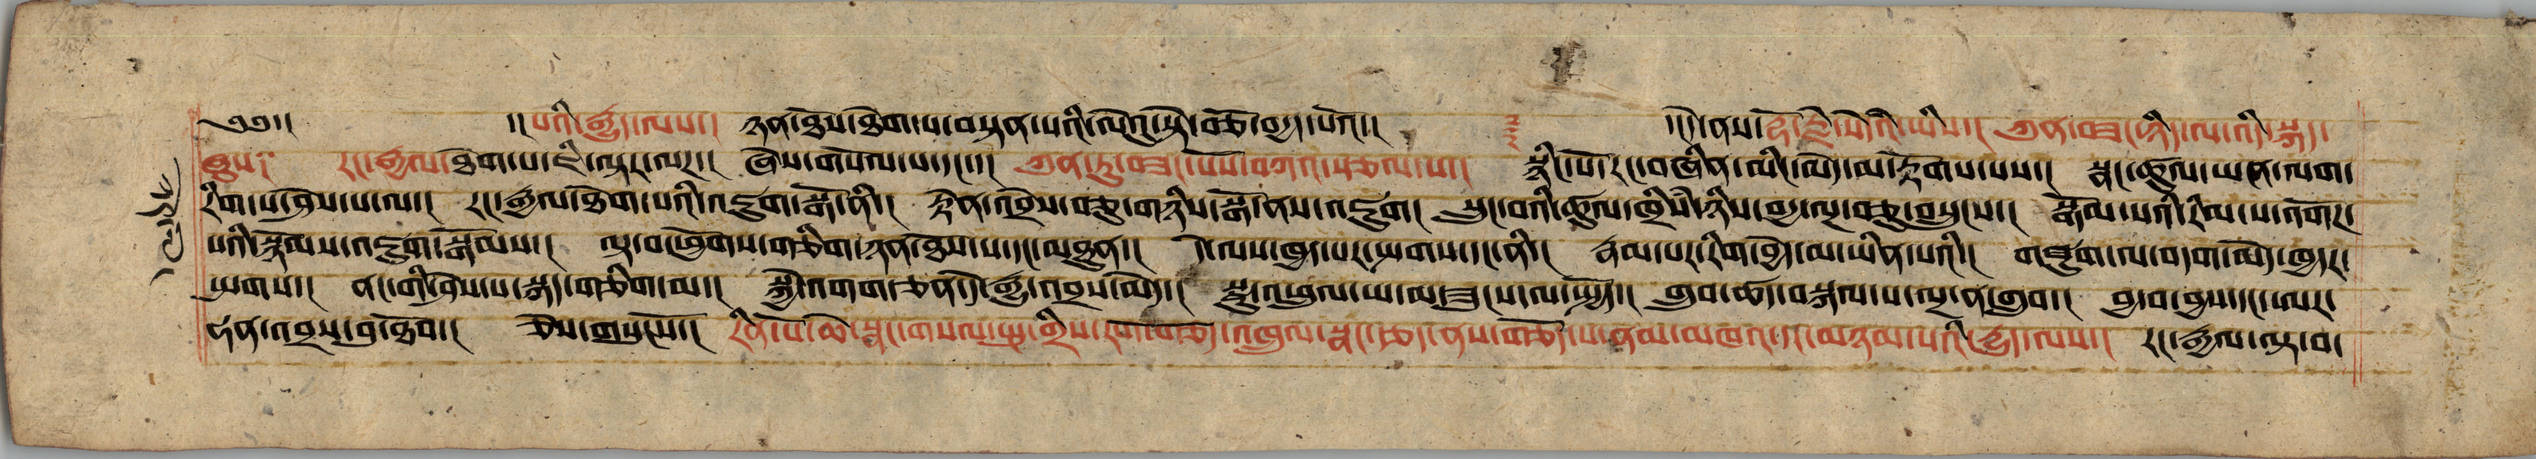༄༅་། ་།པའི་རྒྱུད་ལས་། ཉན་ཐོས་་ཐེག་པ་བསྟན་པའི་ལེའུ་སྟེ་བཅོ་བདྱད་པའོ་། ࿑ ་།དེ་ནས་རྡོ་རྗེ་སེདཾའ་ཡིས་། ཀུན་བཟང་ཉིད་ལ་འདི་སྐད་
ཞུས༑ རང་རྒྱལ་ཐེག་པ་ཇི་ལྟར་ལཌ་། ཞེས་གསོལ་པ་དང་་། ཀུན་ཏུ་བཟང་པོས་བཀའ་སྩལ་པ་། སྙིང་པོ་རང་བཞིན་མིང་མེད་མ་རྟོགས་པས་། སྣང་ཚུལ་ཡན་ལག་
རིག་པ་ཤེས་པ་ལ་། རང་རྒྱལ་ཐེག་པའི་འཇུག་སྒོ་ནི་། རྟེན་འབྲེལ་བཅུ་གཉིས་སྒོ་ནས་འཇུག། སྲུང་བའི་ཚུལ་ཁྲིསཾ་ཉིས་བདྱ་ལྔ་བཅུ་བསྲུངས་། སྒོམ་པའི་རིམ་པ་འགོཌ་
པའི་སྙོམས་འཇུག་སྒོམས་། ལྟ་བ་ཕྱོགས་གཅིག་ཉན་ཐོས་པ་དང་མཐུན་། དེ་ལས་ཁྱད་པར་སྤགས་དང་ནི་། རྣམ་པར་རིག་བྱེད་མ་ཡིན་པའི་། གཞུག་ལ་བདག་མེད་ཁྱདར་
སྤགས་། ནང་གི་ཤེས་པ་སྐད་གཅིག་མ་། སྐྱེ་འགག་ཅན་དེ་རྒྱུ་འབྲས་མེད་། སྫུ་འཕྲུལ་ཡ་མ་ཟུངས་ལ་སྤྱོད་། གྲུབ་ཚད་བསྐལ་པ་ལྔ་ན་གྲུབ་། བྱ་བ་བྱས་དང་ཨར་
ཧན་འབྲས་བུ་ཐོབ་། ཅེས་གསུངསོ་། རིན་པོ་ཆེ་སྣང་གསལ་སྤུ་གྲིས་རིག་བརྩད་འཁྲུལ་སྣང་རྩད་ནས་གཅོད་པ་ནམ་མཁའ་དང་མཉམ་པའི་རྒྱུད་ལས་། རང་རྒྱལ་ལྟ་བ་